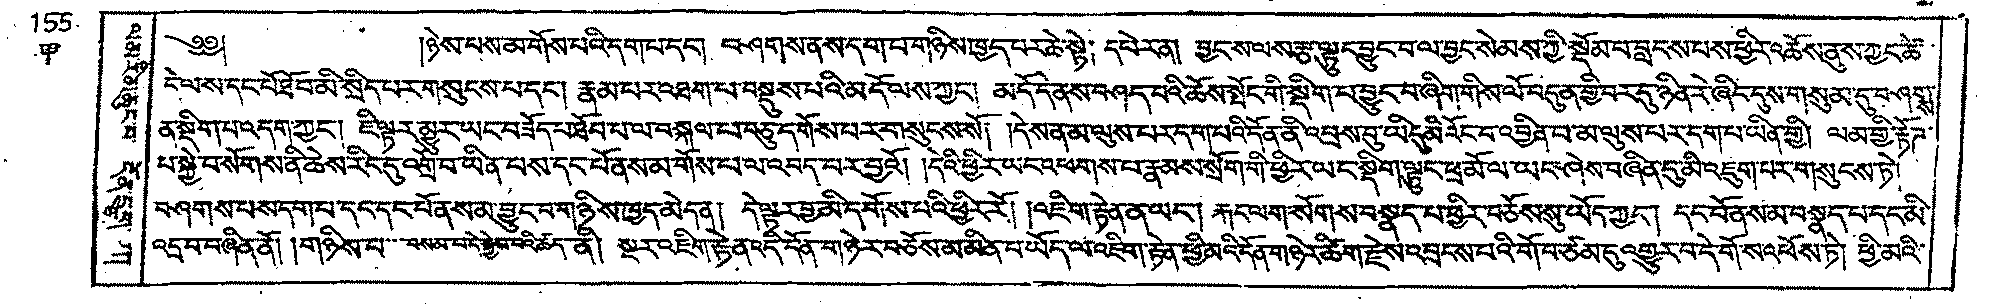༄༅། །ཉེས་པས་མ་གོས་པའི་དག་པ་དང་། བཤགས་ནས་དག་པ་གཉིས་ཁྱད་པར་ཆེ་སྟེ། དཔེར་ན། བྱང་ས་ལས་རྩ་ལྟུང་བྱུང་བ་ལ་བྱང་སེམས་ཀྱི་སྡོམ་པ་བླངས་པས་ཕྱིར་འཆོས་ནུས་ཀྱང་ཚེ་
དེ་ལས་དང་པོ་ཐོབ་མི་སྲིད་པར་གསུངས་པ་དང་། རྣམ་པར་འཐག་པ་བསྡུས་པའི་མདོ་ལས་ཀྱང་། མདོ་དེ་ནས་བཤད་པའི་ཆོས་སྤོང་གི་སྡིག་པ་བྱུང་བ་ཞིག་གིས་ལོ་བདུན་གྱི་བར་དུ་ཉིན་རེ་ཞིང་དུས་གསུམ་དུ་བཤགས་
ན་སྡིག་པ་འདག་ཀྱང་། ཇི་ལྟར་མྱུར་ཡང་བཟོད་པ་ཐོབ་པ་ལ་བསྐལ་བ་བཅུ་དགོས་པར་གསུངས་སོ། །དེས་ན་མ་ལུས་པར་དག་པའི་དོན་ནི་འབྲས་བུ་ཡི་དུ་མིའོང་བ་འབྱིན་པ་མ་ལུས་པར་དག་པ་ཡིན་གྱི། ལམ་གྱི་རྟོཌ་
པ་སྐྱེ་བ་སོགས་ནི་ཆེས་རིང་དུ་འགྲོ་བ་ཡིན་པས་དང་པོ་ནས་མ་གོས་པ་ལ་འབད་པར་བྱའོ། །དེའི་ཕྱིར་ཡང་འཕགས་པ་རྣམས་སྲོག་གི་ཕྱིར་ཡང་སྡིག་ལྟུང་ཕྲ་མོ་ལ་ཡང་ཤེས་བཞིན་དུ་མི་འཇུག་པར་གསུངས་ཏེ།
བཤགས་པས་དག་པ་དང་དང་པོ་ནས་མ་བྱུང་བ་གཉིས་ཁྱད་མེད་ན། དེ་ལྟར་བྱ་མི་དགོས་པའི་ཕྱིར་རོ། །འཇིག་རྟེན་ན་ཡང་། རྐང་ལག་སོགས་བསྣད་པ་ཕྱིར་བཅོས་སུ་ཡོད་ཀྱང་། དང་བོ་ནས་མ་བསྣད་པ་དང་མི་
འདྲ་བ་བཞིན་ནོ། །གཉིས་པབསམ་པ་དེ་སྐྱེས་པའི་ཚད་ནི། སྔར་འཇིག་རྟེན་འདི་དོན་གཉེར་བཅོས་མ་མིན་པ་ཡོད་ལ་འཇིག་རྟེན་ཕྱི་མའི་དོན་གཉེར་ཚིག་རྗེས་འབྲངས་པའི་གོ་བ་ཙམ་དུ་འགྱུར་བ་དེ་གོ་ས་འཕོས་ཏེ། ཕྱི་མའི་